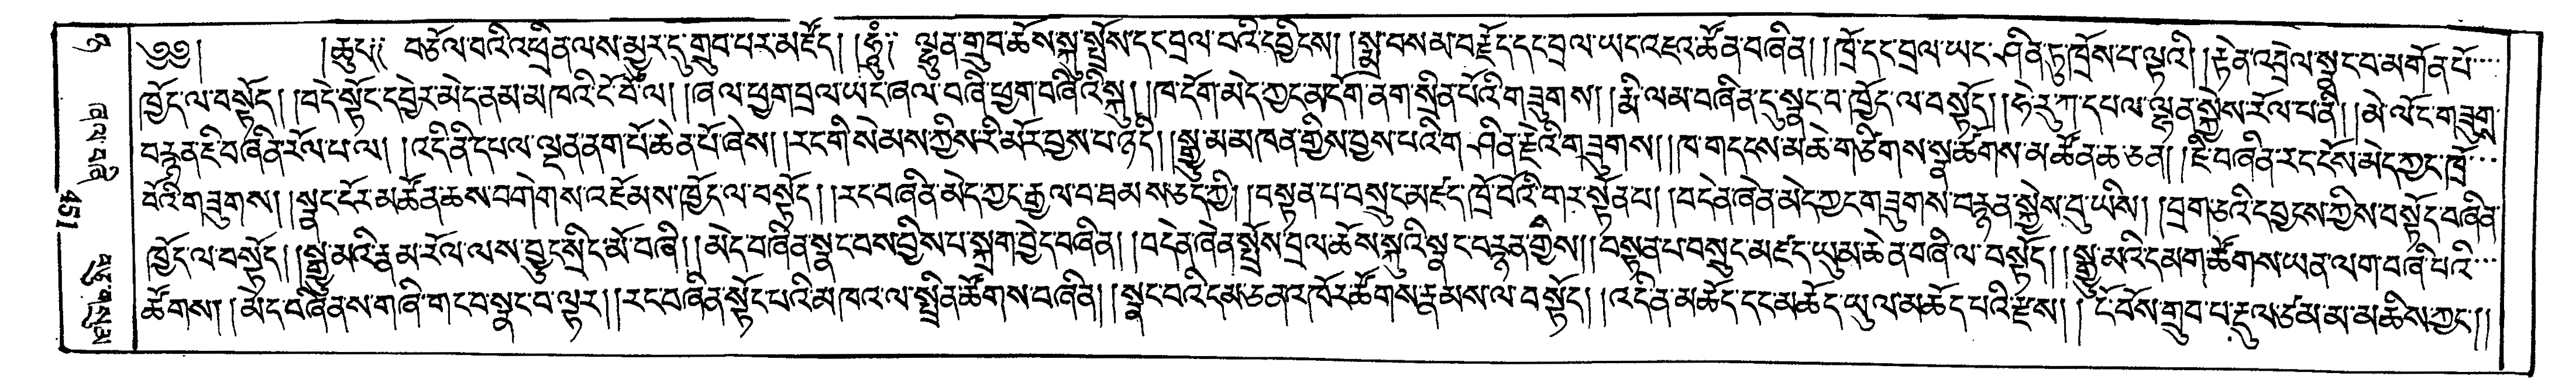༄༅། །ཆུང༑ ༑བཅོལ་བའི་འཕྲིན་ལས་མྱུར་དུ་གྲུབ་པར་མཛོད། །ཧཱུཾ༑ ལྷུན་གྲུབ་ཆོས་སྐུ་སྤྲོས་དང་བྲལ་བའི་དབྱིངས། །སྨྲ་བསམ་བརྗོད་དང་བྲལ་ཡང་འཇའ་ཚོན་བཞིན། །ཁོར་དང་བྲལ་ཡང་ཤིན་ཏུ་ཁྲོས་པ་ལྟའི་།རྟེན་འབྲེལ་སྣང་བ་མགོན་པོ་
ཁྱོད་ལ་བསྟོད། །བདེ་སྟོང་དབྱེར་མེད་ནམ་མཁའི་ངོ་བོ་ལ། །ཞལ་ཕྱག་བྲལ་ཡང་ཞལ་བཞི་ཕྱག་བཞིའི་སྐུ། །ཁ་དོག་མེད་ཀྱང་མདོག་ནག་སྲིན་པོའི་གཟུགས། །རྨི་ལམ་བཞིན་དུ་སྣང་བ་ཁྱོད་ལ་བསྟོད། །ཧེ་རུ་ཀ་དཔལ་ལྷན་སྐྱེས་རོལ་པ་ནི། །མེ་ལོང་གཟུགས་
བརྙན་ཇི་བཞིན་རོལ་པ་ལ། །འདི་ནི་དཔལ་ལྡན་ནག་པོ་ཆེན་པོ་ཞེས། །རང་གི་སེམས་ཀྱིས་རི་མོར་བྱས་པ་ཉིད། །སྒྱུ་མ་མཁན་གྱིས་བྱས་པའི་ས། ཤིན་རྗེའི་གཟུགས། །ཁ་གདངས་མཆེ་གཅིགས་སྣ་ཚོགས་མཚོན་ཆ་ཅན། །ཇི་བཞིན་རང་ངོས་མེད་ཀྱང་ཁྲོ་
བོའི་གཟུགས། །སྣང་ངོར་མཚོན་ཆས་བགེགས་འཇོམས་ཁྱོད་ལ་བསྟོད། །རང་བཞིན་མེད་ཀྱང་རྒྱལ་བ་ཐམས་ཅད་ཀྱི། །བསྟན་པ་བསྲུང་མཛད་ཁྲོ་བོའི་གར་སྟོན་པ། །བདེན་ཞེན་མེད་ཀྱང་གཟུགས་བརྙན་སྐྱེས་བུ་ཡིས། །བྲག་ཅའི་དབྱངས་ཀྱིས་བསྟོད་བཞིན་
ཁྱོད་ལ་བསྟོད། །སྒྱུ་མའི་རྣམ་རོལ་ལས་བྱུང་སྲིང་མོ་བཞི། །མེད་བཞིན་སྣང་བས་བྱིས་བ་སྐྲག་བྱེད་བཞིན། །བདེན་ཞེན་སྤྲོས་བྲལ་ཆོས་སྐུའི་སྣང་བརྙན་གྱིས། །བསྟན་པ་བསྲུང་མཛད་ཡུམ་ཆེན་བཞི་ལ་བསྟོད། །སྒྱུ་མའི་དམག་ཚོགས་ཡན་ལག་བཞི་པའི་
ཚོགས། །མེད་བཞིན་ས་གཞི་གང་བ་སྣང་བ་ལྟར། །རང་བཞིན་སྟོང་བའི་མཁའ་ལ་སྤྲིན་ཚོགས་བཞིན། །སྣང་བའི་དམ་ཅན་འཁོར་ཚོགས་རྣམས་ལ་བསྟོད། །འདི་ན་མཆོད་དང་མཆོད་ཡུལ་མཆོད་པའི་རྫས། །ངོ་བོས་གྲུབ་པ་རྡུལ་ཙམ་མ་མཆིས་ཀྱང།།